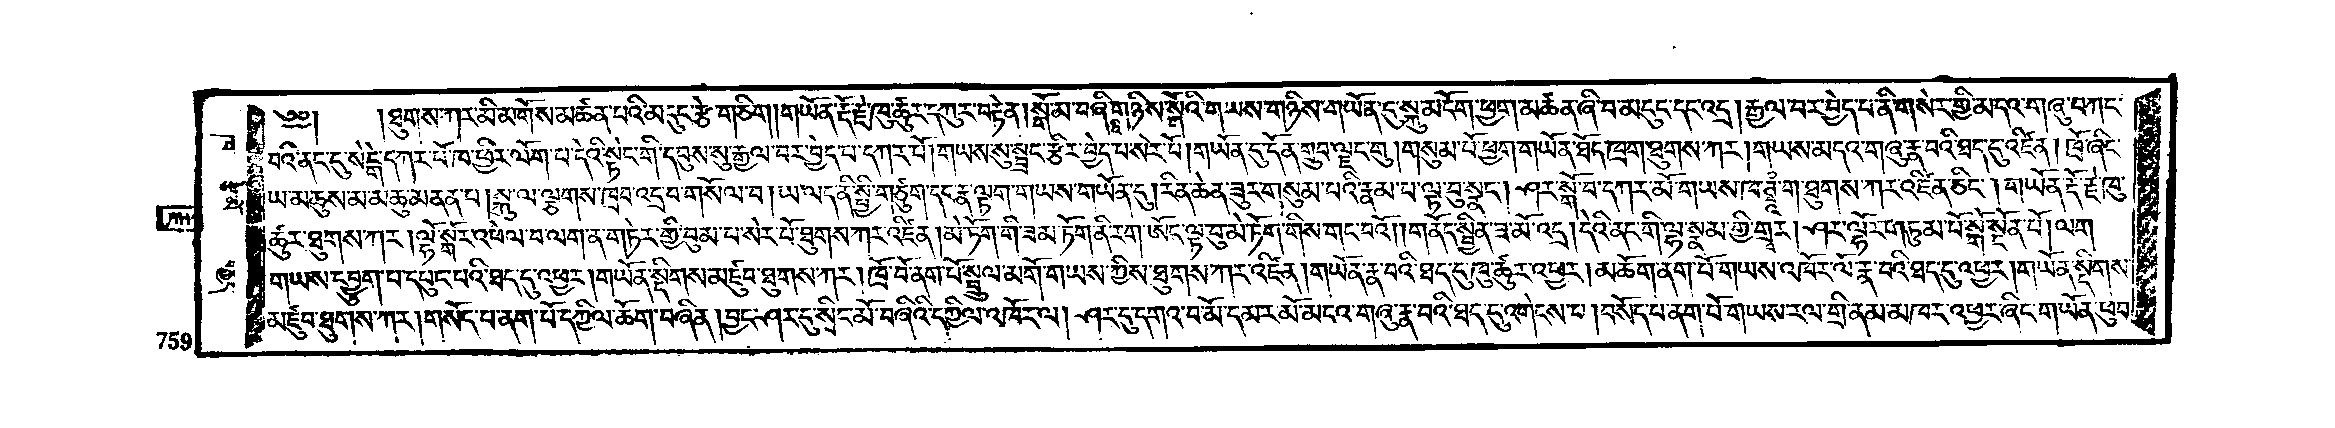༄༅། །ཐུགས་ཀར་མི་མགོས་མཚན་པའི་མདུང་རྩེ་གཅིག །གཡོན་རྡོ་རྗེ་ཁུ་ཚུར་དཀུར་བརྟེན། སྒོ་མ་བཞིའི་གཉིས་སྒོའི་གཡས་གཉིས་གཡོན་དུ་སྐུ་མདོག་ཕྱག་མཚན་ཞི་བ་མདུང་དང་འདྲ། རྒྱལ་བར་བྱེད་པ་ནི་གསེར་གྱི་མདའ་གཞུ་བཀང་
བའི་ནང་དུ་སེངྒེ་དཀར་པོ་ཁ་ཕྱིར་ལོག་པ་དེའི་སྟེང་གི་དབུས་སུ་རྒྱལ་བར་བྱེད་པ་དཀར་པོ། གཡས་སུ་སྦྲང་རྩིར་བྱེད་པ་སེར་པོ། གཡོན་དུ་དོན་གྲུབ་ལྗང་གུ། གསུམ་པོ་ཕྱག་གཡོན་ཐོད་ཁྲག་ཐུགས་ཀར། གཡས་མདའ་གཞུ་རྣ་བའི་ཐད་དུ་འཛིན། ཁྲོ་ཞིང་
ཡ་མཆུས་མ་མཆུ་མནན་པ། སྐུ་ལ་ལྕགས་ཁྲབ་འདྲ་བ་གསོལ་བ། ཡ་ལད་ནི་སྤྱི་གཙུག་དང་རྣ་ལྟག་གཡས་གཡོན་དུ། རིན་ཆེན་ཟུར་གསུམ་པའི་རྣམ་པ་ལྟ་བུ་སྣང་། ཤར་སྒོ་བ་དཀར་མོ་གཡས་ཁ་ཊྭཱཾ་ག་ཐུགས་ཀར་འཛིན་ཅིང་། གཡོན་རྡོ་རྗེ་ཁུ་
ཚུར་ཐུགས་ཀར། ལྷོ་སྒོར་འཕེལ་བ་ལག་ན་གཏེར་གྱི་བུམ་པ་སེར་པོ་ཐུགས་ཀར་འཛིན། མེ་ཏོག་གི་ཟ་མ་ཏོག་ནི་རག་ཨོང་ལྟ་བུ་མེ་ཏོག་གིས་གང་བའོ། །གནོད་སྦྱིན་ཟ་མོ་འདྲ། དེའི་ནང་གི་ལྷ་སྣམ་གྱི་གྲྭར། ཤར་ལྷོར་གཏུམ་པོ་སྒོ་སྔོན་པོ། ལག་
གཡས་དབྱུག་པ་དཔུང་པའི་ཐད་དུ་འཕྱར། གཡོན་སྡིགས་མཛུབ་ཐུགས་ཀར། ཁྲོ་བོ་ནག་པོ་སྤྲུལ་མགོ་གཡས་ཀྱིས་ཐུགས་ཀར་འཛིན། གཡོན་རྣ་བའི་ཐད་དུ་ཁུ་ཚུར་འཕྱར། མཆོག་ནག་པོ་གཡས་འཁོར་ལོ་རྣ་བའི་ཐད་དུ་འཕྱར། གཡོན་སྡིགས་
མཛུབ་ཐུགས་ཀར། གསོད་པ་ནག་པོ་དཀྱིལ་ཆོག་བཞིན། བྱང་ཤར་དུ་སྲིང་མོ་བཞིའི་དཀྱིལ་འཁོར་ལ། ཤར་དུ་དགའ་བ་མོ་དམར་མོ་མདའ་གཞུ་རྣ་བའི་ཐད་དུ་འགེངས་པ། བསོད་པ་ནག་པོ་གཡས་རལ་གྲི་ནམ་མཁར་འཕྱར་ཞིང་གཡོན་ཕུབ་